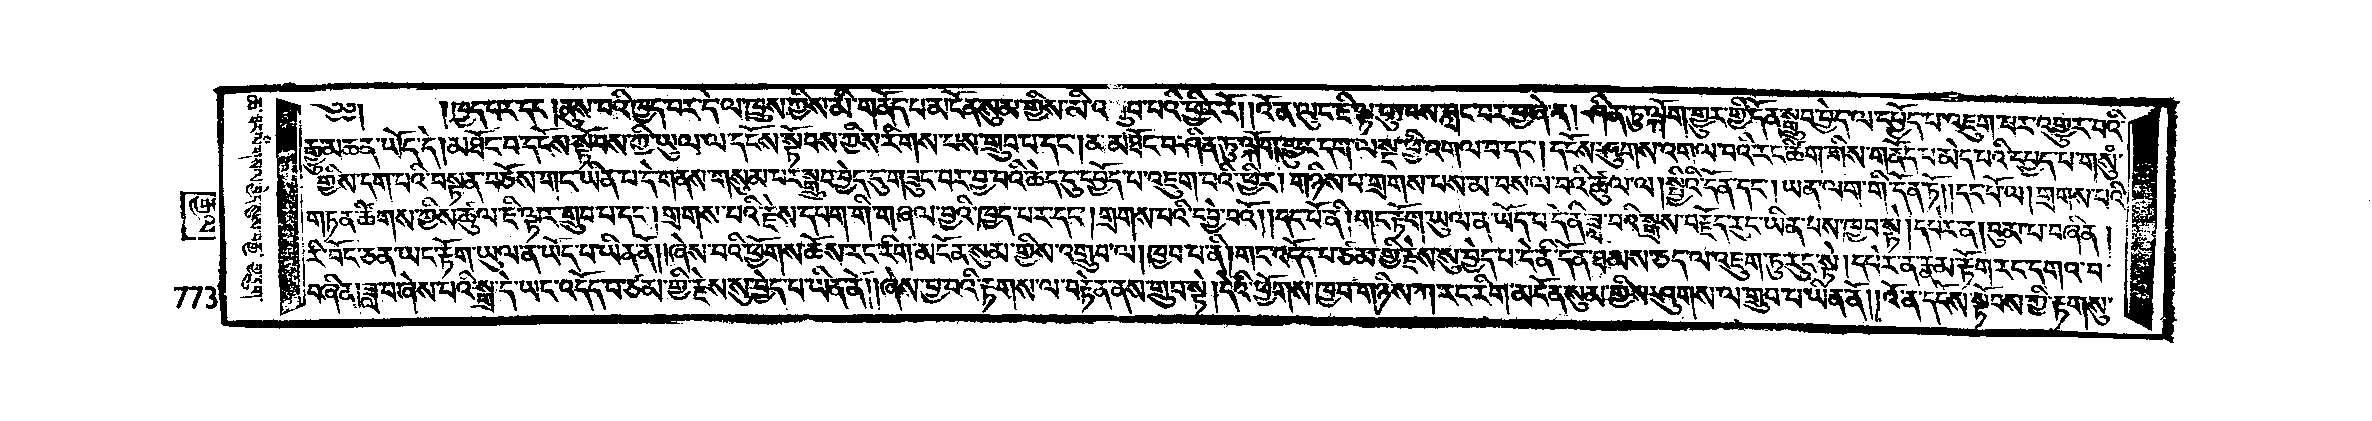༄༅། །ཁྱད་པར་དང་། ནུས་པའི་ཁྱད་པར་དེ་ལ་ཁྲུས་ཀྱིས་མི་གནོད་པ་མངོན་སུམ་གྱིས་མི་འགྲུབ་པའི་ཕྱིར་རོ། །འོ་ན་ལུང་ཇི་ལྟ་བུ་ཁས་བླང་བར་བྱ་ཞེ་ན། ཤིན་ཏུ་ལྐོག་གྱུར་གྱི་དོན་སྒྲུབ་བྱེད་ལ་དཔྱོད་པ་འཇུག་པར་འགྱུར་བའི་
རྒྱུ་མཚན་ཡོད་དེ། མཐོང་བ་དངོས་སྟོབས་ཀྱི་ཡུལ་ལ་དངོས་སྟོབས་ཀྱིས་རིགས་པས་གྲུབ་པ་དང་། མ་མཐོང་བ་ཤིན་ཏུ་ལྐོག་གྱུར་དག་ལ་སྔ་ཕྱི་འགལ་བ་དང་། དངོས་ཤུགས་འགལ་བའི་རང་ཚིག་གིས་གནོད་པ་མེད་པའི་དཔྱད་པ་གསུམ་
གྱིས་དག་པའི་བསྟན་བཅོས་གང་ཡིན་པ་དེ་གནས་གསུམ་པར་སྒྲུབ་བྱེད་དུ་གཟུང་བར་བྱ་བའི་ཆེད་དུ་དཔྱོད་པ་འཇུག་པའི་ཕྱིར། གཉིས་པ་གྲགས་པས་མ་བསལ་བའི་ཚུལ་ལ། སྤྱིའི་དོན་དང་། ཡན་ལག་གི་དོན་ཏོ། །དང་པོ་ལ། གྲགས་པའི་
གཏན་ཚིགས་ཀྱིས་ཚུལ་ཇི་ལྟར་གྲུབ་པ་དང་། གྲགས་པའི་རྗེས་དཔག་གི་གཞལ་བྱའི་ཁྱད་པར་དང་། གྲགས་པའི་དབྱེ་བའོ། །དང་པོ་ནི། གང་རྟོག་ཡུལ་ན་ཡོད་པ་དེ་ནི་ཟླ་བའི་སྒྲས་བརྗོད་རུང་ཡིན་པས་ཁྱབ་སྟེ། དཔེར་ན། བུམ་པ་བཞིན།
རི་བོང་ཅན་ཡང་རྟོག་ཡུལ་ན་ཡོད་པ་ཡིན་ནོ། །ཞེས་པའི་ཕྱོགས་ཆོས་རང་རིག་མངོན་སུམ་གྱིས་འགྲུབ་ལ། ཁྱབ་པ་ནི། གང་འདོད་པ་ཙམ་གྱི་རྗེས་སུ་བྱེད་པ་དེ་ནི་དོན་ཐམས་ཅད་ལ་འཇུག་ཏུ་རུང་སྟེ། དཔེར་ན་རྣམ་རྟོག་རང་དགའ་བ་
བཞིན། ཟླ་བ་ཞེས་པའི་སྒྲ་དེ་ཡང་འདོད་པ་ཙམ་གྱི་རྗེས་སུ་བྱེད་པ་ཡིན་ནོ། །ཞེས་བྱ་བའི་རྟགས་ལ་བརྟེན་ནས་གྲུབ་སྟེ། དེའི་ཕྱོགས་ཁྱབ་གཉིས་ཀ་རང་རིག་མངོན་སུམ་གྱིས་ཤུགས་ལ་གྲུབ་པ་ཡིན་ནོ། །འོ་ན་དངོས་སྟོབས་ཀྱི་རྟགས་སུ་